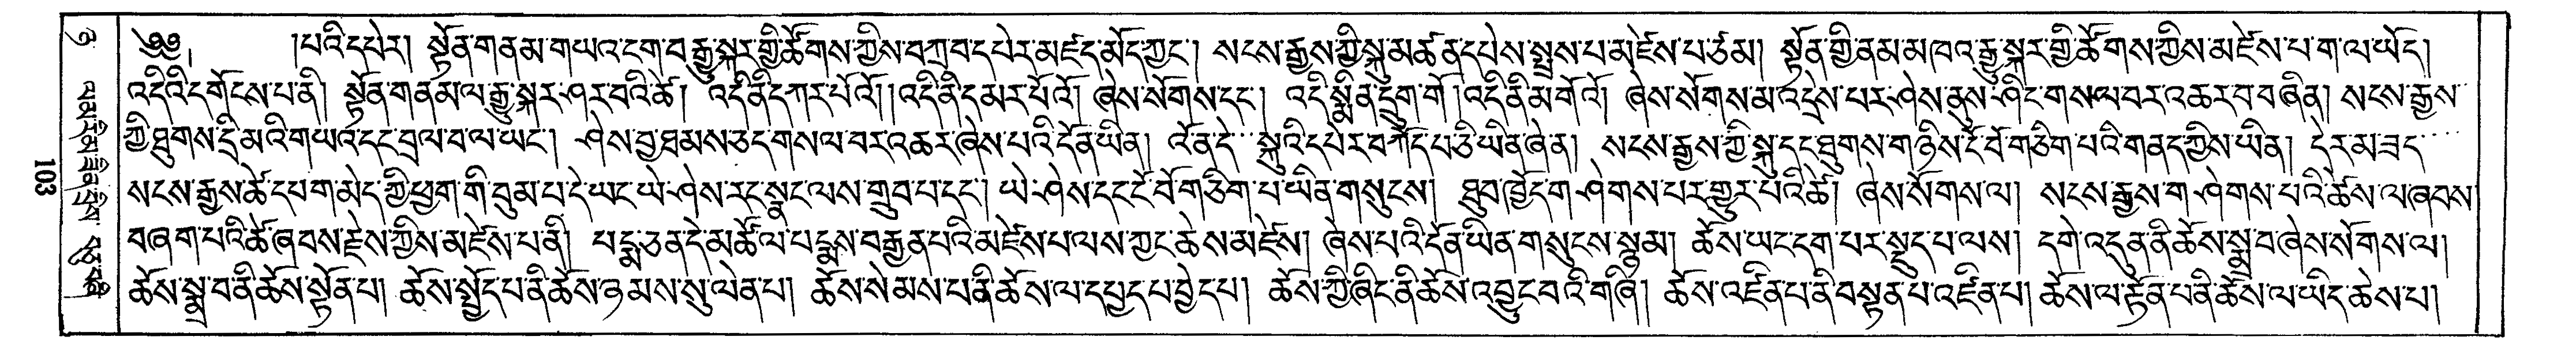༄༅། །པའི་དཔེར། སྟོན་གནམ་གཡའ་དག་བ་རྒྱུ་སྐར་གྱི་ཚོགས་ཀྱིས་བཀྲ་བ་དཔེར་མཛད་མོད་ཀྱང་། སངས་རྒྱས་ཀྱི་སྐུ་མཚན་དཔེས་སྤྲས་པ་མཛེས་པ་ཙམ། སྟོན་གྱི་ནམ་མཁའ་རྒྱུ་སྐར་གྱི་ཚོགས་ཀྱིས་མཛེས་པ་ག་ལ་ཡོད།
འདིའི་དགོངས་པ་ནི། སྟོན་གནམ་ལ་རྒྱུ་སྐར་ཤར་བའི་ཚེ། འདི་ནི་དཀར་པོའོ། །འདི་ནི་དམར་པོའོ། །ཞེས་སོགས་དང་། འདི་སྨིན་དྲུག་གོ །འདི་ནི་མགོའོ། ཞེས་སོགས་མ་འདྲེས་པར་ཤེས་ནུས་ཤིང་གསལ་བར་འཆར་བ་བཞིན། སངས་རྒྱས་
ཀྱི་ཐུགས་དྲི་མའི་གཡའ་དང་བྲལ་བ་ལ་ཡང་། ཤེས་བྱ་ཐམས་ཅད་གསལ་བར་འཆར་ཞེས་པའི་དོན་ཡིན། འོ་ན་དེ་སྐུའི་དཔེར་བཀོད་བ་ཅི་ཡིན་ཞེ་ན། སངས་རྒྱས་ཀྱི་སྐུ་དང་ཐུགས་གཉིས་ངོ་བོ་གཅིག་པའི་གནད་ཀྱིས་ཡིན། དེར་མ་ཟད་
སངས་རྒྱས་ཚེ་དཔག་མེད་ཀྱི་ཕྱག་གི་བུམ་བ་དེ་ཡང་ཡེ་ཤེས་རང་སྣང་ལས་གྲུབ་པ་དང་། ཡེ་ཤེས་དང་ངོ་བོ་གཅིག་པ་ཡིན་གསུངས། ཐུབ་ཁྱོད་གཤེགས་པར་གྱུར་པའི་ཚེ། ཞེས་སོགས་ལ། སངས་རྒྱས་གཤེགས་པའི་ཚེས་ལ་ཞབས་
བཞག་པའི་ཚེ་ཞབས་རྗེས་ཀྱིས་མཛེས་པ་ནི། པདམ་ཅན་དེ་མཚོ་ལ་པདམས་བརྒྱན་པའི་མཛེས་པ་ལས་ཀྱང་ཆེས་མཛེས། ཞེས་པའི་དོན་ཡིན་གསུངས་སྙམ། ཆོས་ཡང་དག་པར་སྡུད་པ་ལས། དགེ་འདུན་ནི་ཆོས་སྨྲ་བ་ཞེས་སོགས་ལ།
ཆོས་སྨྲ་བ་ནི་ཆོས་སྟོན་པ། ཆོས་སྤྱོད་པ་ནི་ཆོས་ཉམས་སུ་ལེན་པ། ཆོས་སེམས་པ་ནི་ཆོས་ལ་དཔྱད་པ་བྱེད་པ། ཆོས་ཀྱི་ཞིང་ནི་ཆོས་འབྱུང་བའི་གཞི། ཆོས་འཛིན་པ་ནི་བསྟན་པ་འཛིན་པ། ཆོས་ལ་རྟོན་པ་ནི་ཆོས་ལ་ཡིད་ཆེས་པ།